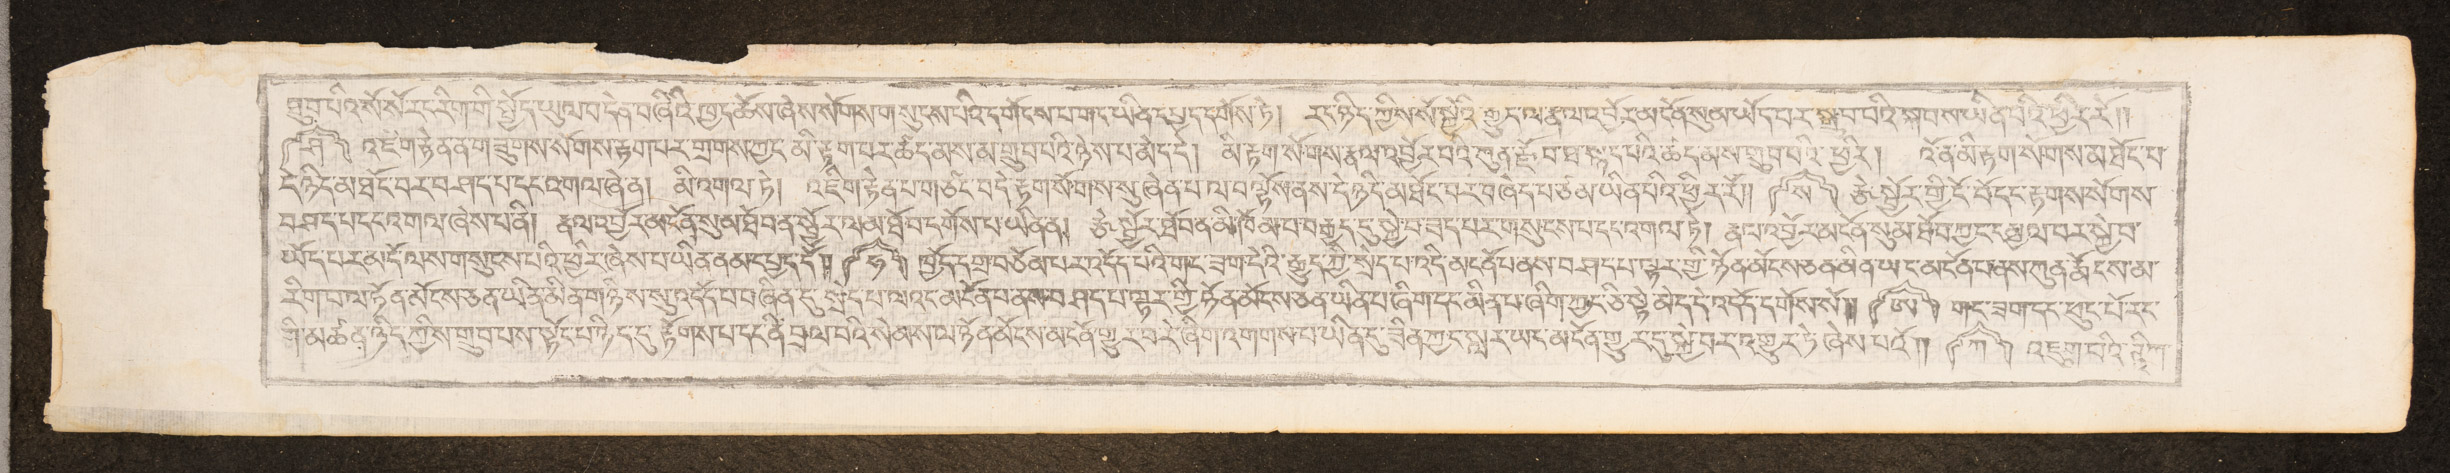ཐུབ་པའི་སོ་སོ་རང་རིག་གི་སྤྱོད་ཡུལ་བདེན་བཞིའི་ཁྱད་ཆོས་ཞེས་སོགས་གསུངས་པའི་དགོངས་པ་གང་ཡིན་དཔྱད་དགོས་ཏེ། རང་ཉིད་ཀྱིས་སོ་སྐྱེའི་རྒྱུད་ལ་རྣལ་འབྱོར་མངོན་སུམ་ཡོད་པར་སྒྲུབ་པའི་སྐབས་ཡིན་པའི་ཕྱིར་རོ།།
༼༽ཤ༼༽ འཇིག་རྟེན་ན་གཟུགས་སོགས་རྟག་པར་གྲགས་ཀྱང་མི་རྟག་པར་ཚད་མས་མ་གྲུབ་པའི་ཉེས་པ་མེད་དེ། མི་རྟག་སོགས་རྣལ་འབྱོར་བའི་ཀུན་རྫོབ་ཐ་སྙད་པའི་ཚད་མས་གྲུབ་པའི་ཕྱིར། འོ་ན་མི་རྟག་སོགས་མཐོང་བ་
དེ་ཉིད་མཐོང་བར་བཤད་པ་དང་འགལ་ཞེ་ན། མི་འགལ་ཏེ། འཇིག་རྟེན་པ་གཙང་བདེ་རྟག་སོགས་སུ་ཞེན་པ་ལ་བལྟོས་ནས་དེ་ཉིད་མཐོང་བར་བཞེད་པ་ཙམ་ཡིན་བའི་ཕྱིར་རོ།། ༼༽ས༼༽ རྩེ་སྦྱོར་གྱི་ངོ་བོ་དང་རྟགས་སོགས་
བཤད་པ་དང་འགལ་ཞེས་པ་ནི། རྣལ་འབྱོར་མངོན་སུམ་ཐོབ་ན་སྦྱོར་ལམ་ཐོབ་དགོས་པ་ཡིན་ན། རྩེ་སྦྱོར་ཐོབ་ན་མི་ཁོམ་པ་བརྒྱད་དུ་སྐྱེ་བ་ཟད་པར་གསུངས་པ་དང་འགལ་ཏེ། རྣལ་འབྱོར་མངོན་སུམ་ཐོབ་ཀྱང་དམྱལ་བར་སྐྱེ་བ་
ཡོད་པར་མདོ་ལས་གསུངས་པའི་ཕྱིར་ཞེས་པ་ཡིན་ནམ་དཔྱད་དོ།། ༼༽ཧ༼༽ ཁྱོད་དགྲ་བཅོམ་པར་འདོད་པའི་གང་ཟག་དེའི་རྒྱུད་ཀྱི་སྲེད་པ་འདི་མངོན་པ་ནས་བཤད་པ་ལྟར་གྱི་ཉོན་མོངས་ཅན་མིན་ཡང་མངོན་པ་ནས་ཀུན་རྨོངས་མ་
རིག་པ་ལ་ཉོན་མོངས་ཅན་ཡིན་མིན་གཉིས་སུ་འདོད་པ་བཞིན་དུ་སྲེད་པ་ལའང་མངོན་པ་ནས་བཤད་པ་ལྟར་གྱི་ཉོན་མོངས་ཅན་ཡིན་པ་ཞིག་དང་མིན་པ་ཞིག་ཀྱང་ཅི་སྟེ་མེད་དེ་འདོད་དགོས་སོ།། ༼༽ཨ༼༽ གང་ཟག་དང་ཕུང་པོ་རང་
གི་མཚན་ཉིད་ཀྱིས་གྲུབ་པས་སྟོང་པ་ཉིད་དུ་རྟོགས་པ་དང་ནི་བྲལ་བའི་སེམས་ལ་ཉོན་མོངས་མངོན་གྱུར་བ་རེ་ཞིག་འགགས་པ་ཡིན་དུ་ཟིན་ཀྱང་སླར་ཡང་མངོན་གྱུར་དུ་སྐྱེ་བར་འགྱུར་ཏེ་ཞེས་པའོ།། ༼༽ཀ༼༽ འཇུག་བའི་ཊཱིཀ་